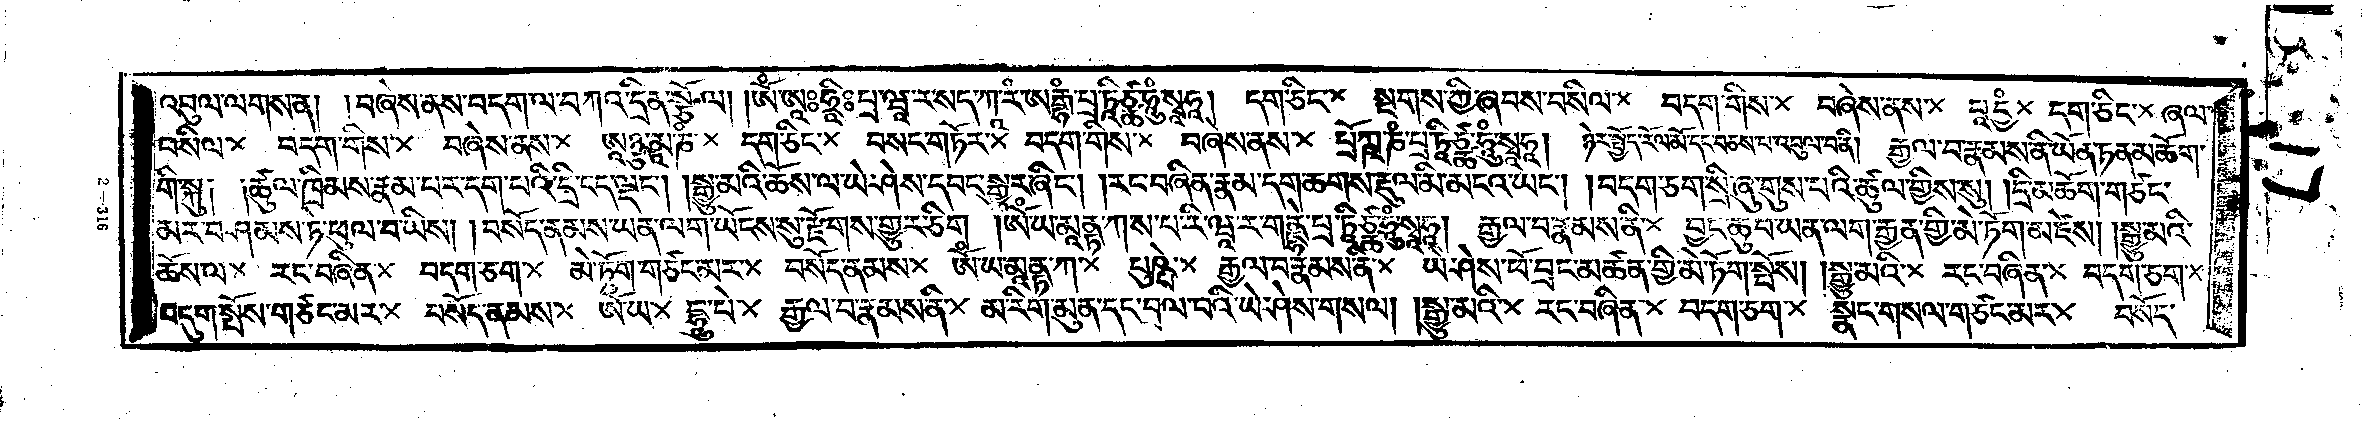འབུལ་ལ་གསན། །བཞེས་ནས་བདག་ལ་བཀའ་དྲིན་སྩོལ། །ཨོཾ་ཨཱཿཧྲཱིཿཔྲ་ཝཱ་ར་སད་ཀཱ་རཾ་ཨརྒྷཾ་པྲཏིཙྪཧཱུཾ་སྭཧཱ། དག་ཅིང྾་སྔགས་ཀྱི་ཞབས་བསིལ྾་བདག་གིས྾་བཞེས་ནས྾་པཱདྱཾ྾་དག་ཅིང྾་ཞལ་
བསིལ྾་བདག་གིས྾་བཞེས་ནས྾་ཨཱཉཙ་མཱ་ཎ྾་དག་ཅིང྾་བསང་གཏོར྾་བདག་གིས྾་བཞེས་ནས྾་པྲོཀྵ་ཎཾ་པྲ་ཏཱིཙྪ་ཧཱུཾ་སྭཧཱ། ཉེར་སྤྱོད་རོལ་མོ་དང་བཅས་པ་འབུལ་བ་ནི།  རྒྱལ་བ་རྣམས་ནི་ཡོན་ཏན་མཆོག་
གི་སྐུ༑ ༑ཚུལ་ཁྲིམས་རྣམ་པར་དག་པའི་དྲི་ངད་ལྡང་། །སྒྱུ་མའི་ཆོས་ལ་ཡེ་ཤེས་དབང་སྒྱུར་ཞིང་། །རང་བཞིན་རྣམ་དག་ཆགས་རྡུལ་མི་མངའ་ཡང་། །བདག་ཅག་སྲི་ཞུ་གུས་པའི་ཚུལ་གྱིས་སུ། །དྲི་མཆོག་གཙང་
མར་བཤམས་ཏེ་ཕུལ་བ་ཡིས། །བསོད་ནམས་ཡན་ལག་ཡོངས་སུ་རྫོགས་གྱུར་ཅིག །ཨོཾ་ཡ་མཱནྟ་ཀ་ས་པ་རི་ཝཱ་ར་གནྡྷེ་པྲ་ཏིཙྪ་ཧཱུཾ་སྭྷཱ། རྒྱལ་བ་རྣམས་ནི྾་བྱང་ཆུབ་ཡན་ལག་རྒྱན་གྱི་མེ་ཏོག་མཛེས། །སྒྱུ་མའི་
ཆོས་ལ྾་རང་བཞིན྾་བདག་ཅག྾་མེ་ཏོག་གཙང་མར྾་བསོད་ནམས྾་ཨོཾ་ཡ་མཱནྟ྾་པུཥྤེ྾་རྒྱལ་བ་རྣམས་ནི྾་ཡེ་ཤེས་ཕོ་བྲང་མཚན་གྱི་མེ་ཏོག་སྦོས། །སྒྱུ་མའི྾་རང་བཞིན྾་བདག་ཅག྾་
བདུག་སྤོས་གཙང་མར྾་བསོད་ནམས྾་ཨོ་ཡ྾་དྷཱུ་པེ྾་རྒྱལ་བ་རྣམས་ནི྾་མ་རིག་མུན་དང་བྲལ་བའི་ཡེ་ཤེས་གསལ། །སྒྱུ་མའི྾་རང་བཞིན྾་བདག་ཅག྾་སྣང་གསལ་གཙང་མར྾་བསོད་